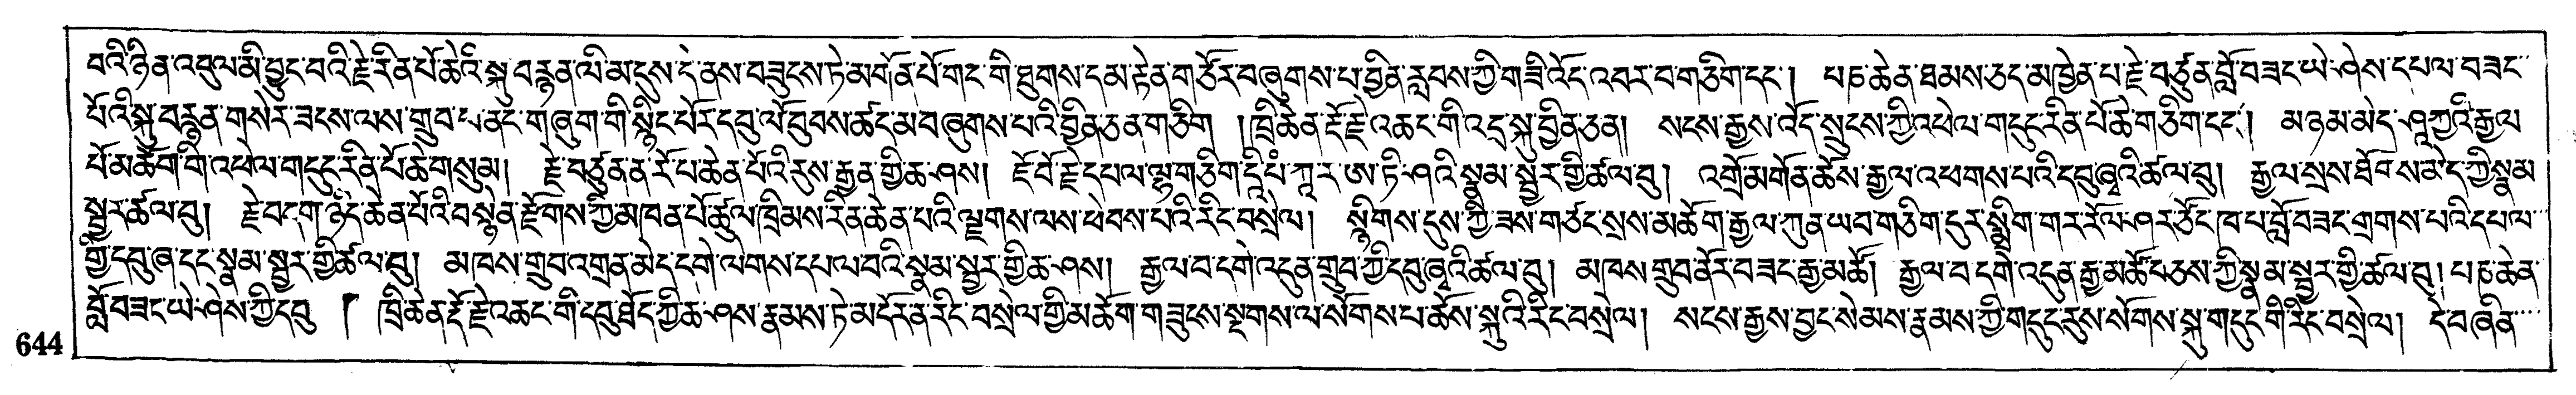བའི་ཉིན་འབུལ་མི་བྱུང་བའི་རྗེ་རིན་པོ་ཆེའི་སྐུ་བརྙན་ལི་མ་དུས་དེ་ནས་བཟུངས་ཏེ་མགོན་པོ་གང་གི་ཐུགས་དམ་རྟེན་གཙོར་བཞུགས་པ་བྱིན་རླབས་ཀྱི་གཟི་འོད་འབར་བ་གཅིག་དང་། པཎ་ཆེན་ཐམས་ཅད་མཁྱེན་པ་རྗེ་བཙུན་བློ་བཟང་ཡེ་ཤེས་དཔལ་བཟང་
པོའི་སྐུ་བརྙན་གསེར་ཟངས་ལས་གྲུབ་པ་ནང་གཞུག་གི་སྙིང་པོར་དབུ་ལོ་བུབས་ཚང་མ་བཞུགས་པའི་བྱིན་ཅན་གཅིག །ཁྲི་ཆེན་རྡོ་རྗེ་འཆང་གི་འདྲ་སྐུ་བྱིན་ཅན། སངས་རྒྱས་འོད་སྲུངས་ཀྱི་འཕེལ་གདུང་རིན་པོ་ཆེ་གཅིག་དང་། མཉམ་མེད་ཤཱཀྱའི་རྒྱལ་
པོ་མཆོག་གི་འཕེལ་གདུང་རིན་པོ་ཆེ་གསུམ། རྗེ་བཙུན་ནཱ་རོ་པ་ཆེན་པོའི་རུས་རྒྱན་གྱི་ཆ་ཤས། ཇོ་བོ་རྗེ་དཔལ་ལྷ་གཅིག་དཱི་པཾ་ཀཱ་ར་ཨ་ཏི་ཤའི་སྣམ་སྤྱར་གྱི་ཚལ་བུ། འགྲོ་མགོན་ཆོས་རྒྱལ་འཕགས་པའི་དབུ་ཞྭའི་ཚལ་བུ། རྒྱལ་སྲས་ཐོགས་མེད་ཀྱི་སྣམ་
སྦྱར་ཚལ་བུ། རྗེ་བདག་ཉིད་ཆེན་པོའི་བསྙེན་རྫོགས་ཀྱི་མཁན་པོ་ཚུལ་ཁྲིམས་རིན་ཆེན་པའི་ལྗགས་ལས་ཕེབས་པའི་རིང་བསྲེལ། སྙིགས་དུས་ཀྱི་ཟས་གཙང་སྲས་མཆོག་རྒྱལ་ཀུན་ཡབ་གཅིག་དུར་སྨྲིག་གར་རོལ་ཤར་ཅོད་ཁ་པ་བློ་བཟང་གྲགས་པའི་དཔལ་
གྱི་དབུ་ཞྭ་དང་སྣམ་སྦྱར་གྱི་ཚལ་བུ། མཁས་གྲུབ་འགྲན་མེད་དགེ་ལེགས་དཔལ་བའི་སྣམ་སྦྱར་གྱི་ཆ་ཤས། རྒྱལ་བ་དགེ་འདུན་གྲུབ་ཀྱི་དབུ་ཞྭའི་ཚལ་བུ། མཁས་གྲུབ་ནོར་བཟང་རྒྱ་མཚོ། རྒྱལ་བ་དགེ་འདུན་རྒྱ་མཚོ་བཅས་ཀྱི་སྣམ་སྦྱར་གྱི་ཚལ་བུ། པཎ་ཆེན་
བློ་བཟང་ཡེ་ཤེས་ཀྱི་དབུ་ལོ། ཁྲི་ཆེན་རྡོ་རྗེ་འཆང་གི་དབུ་ཐོད་ཀྱི་ཆ་ཤས་རྣམས་ཏེ་མདོར་ན་རིང་བསྲེལ་གྱི་མཆོག་གཟུངས་སྔགས་ལ་སོགས་པ་ཆོས་སྐུའི་རིང་བསྲེལ། སངས་རྒྱས་བྱང་སེམས་རྣམས་ཀྱི་གདུང་རུས་སོགས་སྐུ་གདུང་གི་རིང་བ་སྲེལ། དེ་བཞིན་